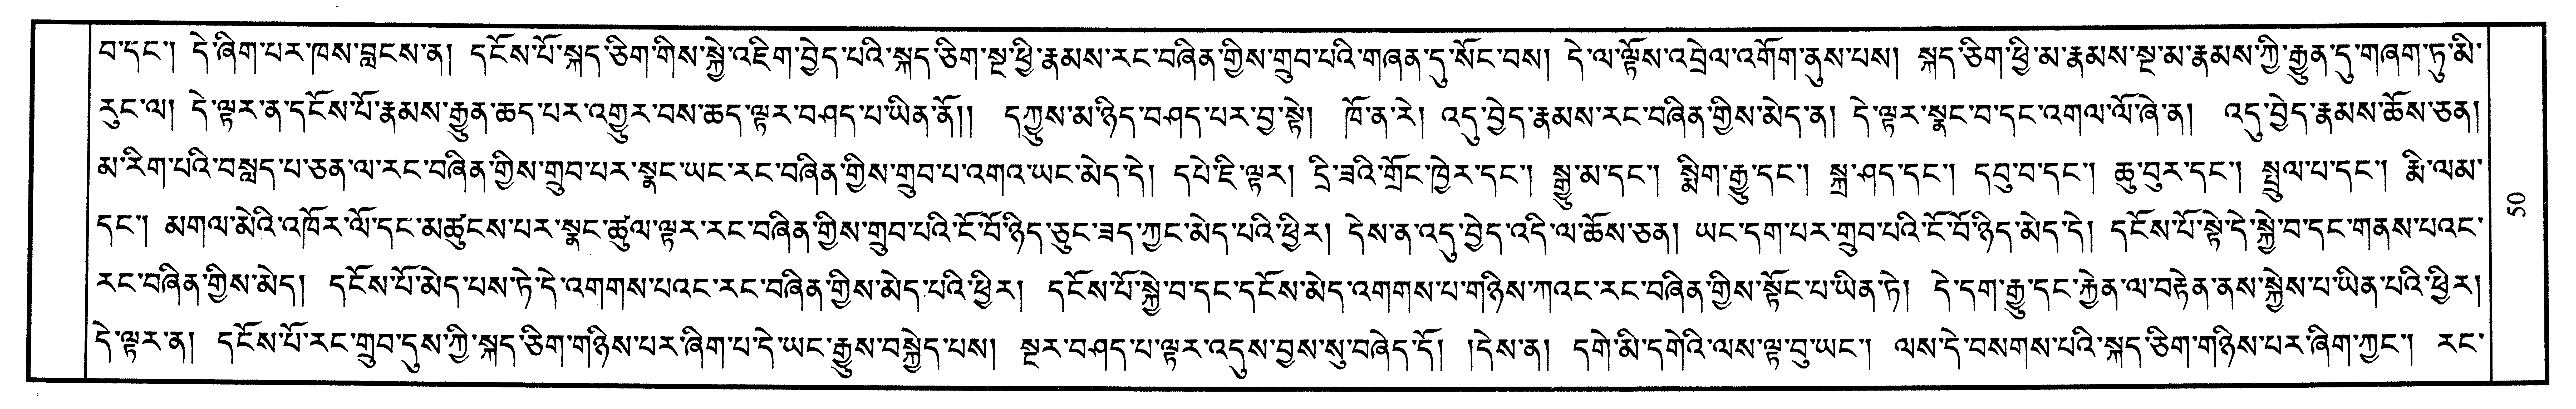བ་དང་། དེ་ཞིག་པར་ཁས་བླངས་ན། དངོས་པོ་སྐད་ཅིག་གིས་སྐྱེ་འཇིག་བྱེད་པའི་སྐད་ཅིག་སྔ་ཕྱི་རྣམས་རང་བཞིན་གྱིས་གྲུབ་པའི་གཞན་དུ་སོང་བས། དེ་ལ་ལྟོས་འབྲེལ་འགོག་ནུས་པས། སྐད་ཅིག་ཕྱི་མ་རྣམས་སྔ་མ་རྣམས་ཀྱི་རྒྱུན་དུ་གཞག་ཏུ་མི་
རུང་ལ། དེ་ལྟར་ན་དངོས་པོ་རྣམས་རྒྱུན་ཆད་པར་འགྱུར་བས་ཆད་ལྟར་བཤད་པ་ཡིན་ནོ།། དཀྱུས་མ་ཉིད་བཤད་པར་བྱ་སྟེ། ཁོ་ན་རེ། འདུ་བྱེད་རྣམས་རང་བཞིན་གྱིས་མེད་ན། དེ་ལྟར་སྣང་བ་དང་འགལ་ལོ་ཞེ་ན། འདུ་བྱེད་རྣམས་ཆོས་ཅན།
མ་རིག་པའི་བསླད་པ་ཅན་ལ་རང་བཞིན་གྱིས་གྲུབ་པར་སྣང་ཡང་རང་བཞིན་གྱིས་གྲུབ་པ་འགའ་ཡང་མེད་དེ། དཔེ་ཇི་ལྟར། དྲི་ཟའི་གྲོང་ཁྱེར་དང་། སྒྱུ་མ་དང་། སྨིག་རྒྱུ་དང་། སྐྲ་ཤད་དང་། དབུ་བ་དང་། ཆུ་བུར་དང་། སྤྲུལ་པ་དང་། རྨི་ལམ་
དང་། མགལ་མེའི་འཁོར་ལོ་དང་མཚུངས་པར་སྣང་ཚུལ་ལྟར་རང་བཞིན་གྱིས་གྲུབ་པའི་ངོ་བོ་ཉིད་ཅུང་ཟད་ཀྱང་མེད་པའི་ཕྱིར། དེས་ན་འདུ་བྱེད་འདི་ལ་ཆོས་ཅན། ཡང་དག་པར་གྲུབ་པའི་ངོ་བོ་ཉིད་མེད་དེ། དངོས་པོ་སྟེ་དེ་སྐྱེ་བ་དང་གནས་པའང་
རང་བཞིན་གྱིས་མེད། དངོས་པོ་མེད་པས་ཏེ་དེ་འགགས་པའང་རང་བཞིན་གྱིས་མེད་པའི་ཕྱིར། དངོས་པོ་སྐྱེ་བ་དང་དངོས་མེད་འགགས་པ་གཉིས་ཀའང་རང་བཞིན་གྱིས་སྟོང་པ་ཡིན་ཏེ། དེ་དག་རྒྱུ་དང་རྐྱེན་ལ་བརྟེན་ནས་སྐྱེས་པ་ཡིན་པའི་ཕྱིར།
དེ་ལྟར་ན། དངོས་པོ་རང་གྲུབ་དུས་ཀྱི་སྐད་ཅིག་གཉིས་པར་ཞིག་པ་དེ་ཡང་རྒྱུས་བསྐྱེད་པས། སྔར་བཤད་པ་ལྟར་འདུས་བྱས་སུ་བཞེད་དོ། །དེས་ན། དགེ་མི་དགེའི་ལས་ལྟ་བུ་ཡང་། ལས་དེ་བསགས་པའི་སྐད་ཅིག་གཉིས་པར་ཞིག་ཀྱང་། རང་